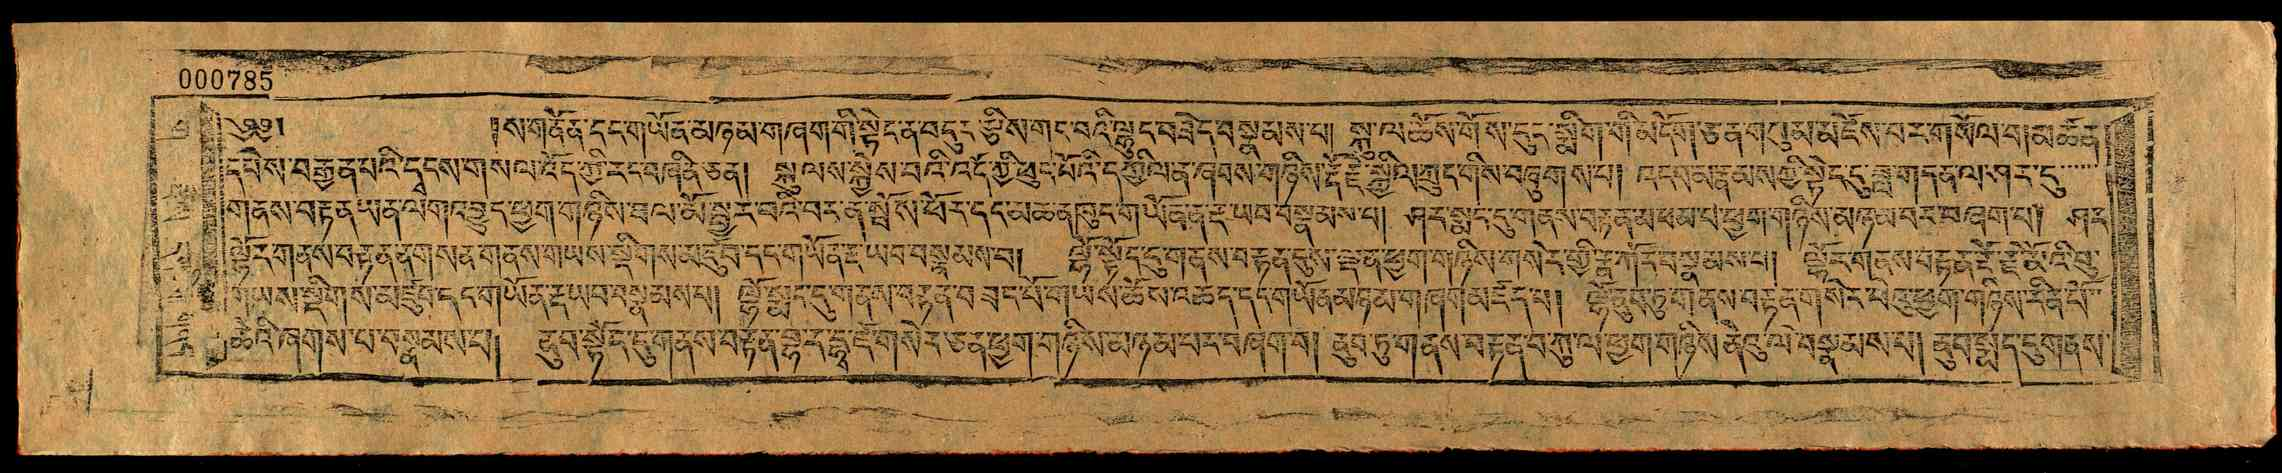ས་གནོན་དང་གཡོན་མཉམ་གཞག་གི་སྟེང་ན་བདུད་རྩིས་གང་བའི་ལྷུང་བཟེད་བསྣམས་པ། སྐུ་ལ་ཆོས་གོས་ངུར་སྨིག་གི་མདོག་ཅན་གསུམ་མཛེས་པར་གསོལ་བ། མཚན་
དཔེས་བརྒྱན་པའི་དྭངས་གསལ་འོད་ཀྱི་རང་བཞིན་ཅན། སྐུ་ལས་སྐྱེས་པའི་འོད་ཀྱི་ཕུང་པོའི་དཀྱིལ་ན་ཞབས་གཉིས་རྡོ་རྗེ་སྐྱིལ་ཀྲུང་གིས་བཞུགས་པ། འདབ་མ་རྣམས་ཀྱི་སྟེང་དུ་ཟླ་གདན་ལ་ཤར་དུ་
གནས་བརྟན་ཡན་ལག་འབྱུང་ཕྱག་གཉིས་ཐལ་མོ་སྦྱར་བའི་བར་ན་སྤོས་ཕོར་དང་མཆན་ཁུང་གཡོན་ན་རྔ་ཡབ་བསྣམས་པ། ཤར་སྨད་དུ་གནས་བརྟན་མ་ཕམ་པ་ཕྱག་གཉིས་མཉམ་པར་བཞག་པ། ཤར་
ལྷོར་གནས་བརྟན་ནགས་ན་གནས་གཡས་སྡིགས་མཛུབ་དང་གཡོན་རྔ་ཡབ་བསྣམས་པ། ལྷོ་སྟོད་དུ་གནས་བརྟན་དུས་ལྡན་ཕྱག་གཉིས་གསེར་གྱི་རྣ་ཀོར་བསྣམས་པ། ལྷོར་གནས་བརྟན་རྡོ་རྗེ་མོའི་བུ་
གཡས་སྡིགས་མཛུབ་དང་གཡོན་རྔ་ཡབ་བསྣམས་པ། ལྷོ་སྨད་དུ་གནས་བརྟན་བཟང་པོ་གཡས་ཆོས་འཆད་དང་གཡོན་མཉམ་གཞག་མཛད་པ། ལྷོ་ནུབ་ཏུ་གནས་བརྟན་གསེར་བེའུ་ཕྱག་གཉིས་རིན་པོ་
ཆེའི་ཞགས་པ་བསྣམས་པ། ནུབ་སྟོང་དུ་གནས་བརྟན་བྷ་ར་དྷཱ་ཛ་གསེར་ཅན་ཕྱག་གཉིས་མཉམ་པར་བཞག་པ། ནུབ་ཏུ་གནས་བརྟན་བ་ཀུ་ལ་ཕྱག་གཉིས་ནེའུ་ལེ་བསྣམས་པ། ནུབ་སྨད་དུ་གནས་